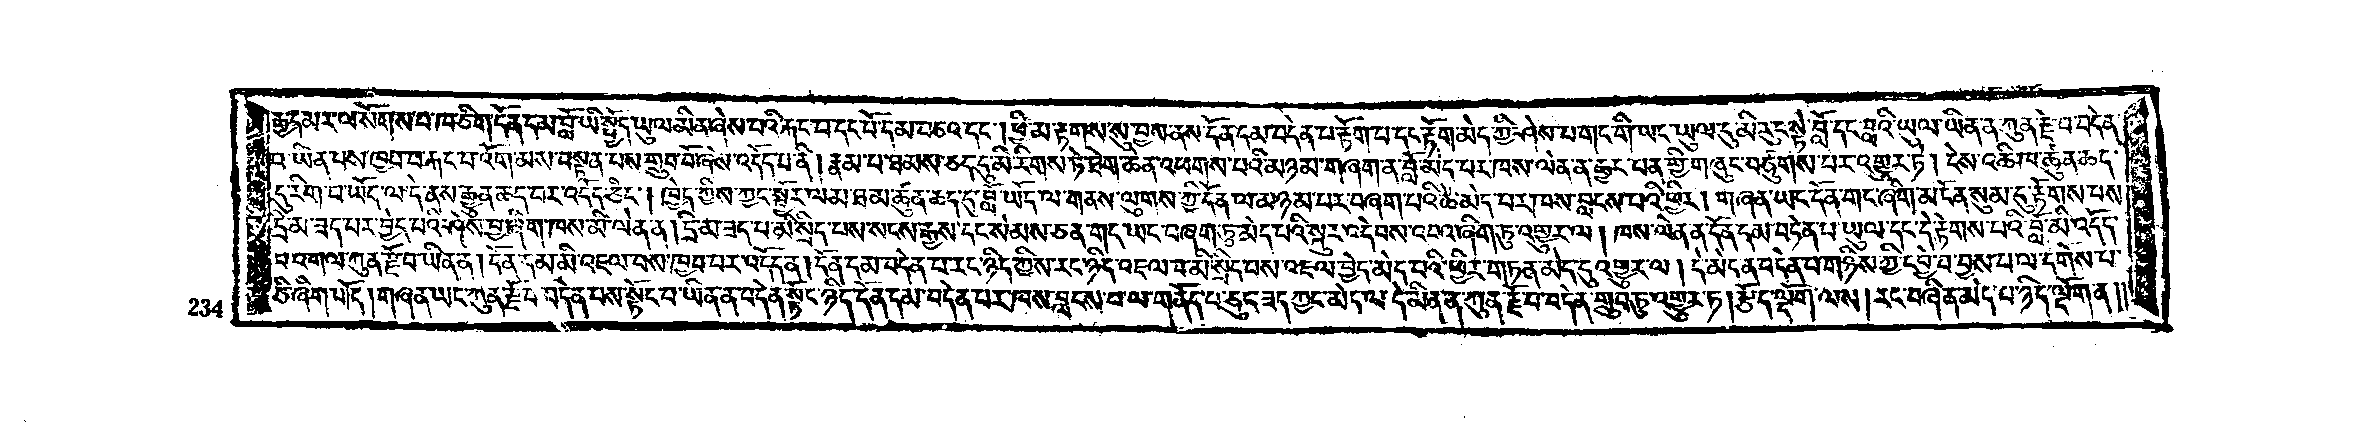རྒྱ་དམར་ལ་སོགས་པ་ཁ་ཅིག་དོན་དམ་བློ་ཡི་སྤྱོད་ཡུལ་མིན་ཞེས་པའི་རྐང་པ་དང་པོ་དམ་བཅའ་དང་ཕྱི་མ་རྟགས་སུ་བྱས་ནས་དོན་དམ་བདེན་པ་རྟོག་པ་དང་རྟོག་མེད་ཀྱི་ཤེས་པ་གང་གི་ཡང་ཡུལ་དུ་མི་རུང་སྟེ་བློ་དང་བླའི་ཡུལ་ཡིན་ན་ཀུན་རྫོབ་བདེན་
པ་ཡིན་པས་ཁྱབ་པ་རྐང་པ་འོག་མས་བསྟན་པས་གྲུབ་བོ་ཞེས་འདོད་པ་ནི། རྣམ་པ་ཐམས་ཅད་དུ་མི་རིགས་ཏེ་ཐེག་ཆེན་འཕགས་པའི་མཉམ་གཞག་ན་བློ་མེད་པར་ཁས་ལེན་ན་རྒྱང་ཕན་གྱི་གཞུང་བཙུགས་པར་འགྱུར་ཏེ། ངེས་འཆི་ཁ་ཚུན་ཆད་
དུ་རིག་པ་ཡོད་ལ་དེ་ནས་རྒྱུན་ཆད་པར་འདོད་ཅིང་། ཁྱེད་ཀྱིས་ཀྱང་སྦྱོར་ལམ་ཐ་མ་ཚུན་ཆད་དུ་བློ་ཡོད་ལ་གནས་ལུགས་ཀྱི་དོན་ལ་མཉམ་པར་བཞག་པའི་ཚེ་མེད་པར་ཁས་བླངས་པའི་ཕྱིར། གཞན་ཡང་དོན་གང་ཞིག་མངོན་སུམ་དུ་རྟོགས་པས་
དྲི་མ་ཟད་པར་བྱེད་པའི་ཤེས་བྱ་ཞིག་ཁས་མི་ལེན་ན། དྲི་མ་ཟད་པ་མི་སྲིད་པས་སངས་རྒྱས་དང་སེམས་ཅན་གང་ཡང་བཞག་ཏུ་མེད་པའི་སྐུར་འདེབས་འབའ་ཞིག་ཏུ་འགྱུར་ལ། ཁས་ལེན་ན་དོན་དམ་བཏེན་པ་ཡུལ་དང་དེ་རྟོགས་པའི་བློ་མི་འདོད་
པ་འགལ་ཀུན་རྫོབ་ཡིན་ནོ། དོན་དམ་མི་འཇལ་བས་ཁྱབ་པར་འདོད་ན། དོན་དམ་བདེན་པ་རང་ཉིད་ཀྱིས་རང་ཉིད་འཇལ་བ་མི་སྲིད་པས་འཇལ་བྱེད་མེད་པའི་ཕྱིར་གཏན་མེད་དུ་འགྱུར་ལ། དེ་མེད་ན་བདེན་པ་གཉིས་ཀྱི་དབྱེ་བ་བྱས་པ་ལ་དགོས་པ་
ཅི་ཞིག་ཡོད། གཞན་ཡང་ཀུན་རྫོབ་བདེན་པས་སྟོང་པ་ཡིན་ན་བདེན་སྟོང་ཉིད་དོན་དམ་བདེན་པར་ཁས་བླངས་པ་ལ་གནོད་པ་ཅུང་ཟད་ཀྱང་མེད་ལ་དེ་མིན་ན་ཀུན་རྫོབ་བདེན་གྲུབ་ཏུ་འགྱུར་ཏོ། །རྩོད་ལྡོག་ལས། རང་བཞིན་མེད་པ་ཉིད་ལྡོག་ན། །